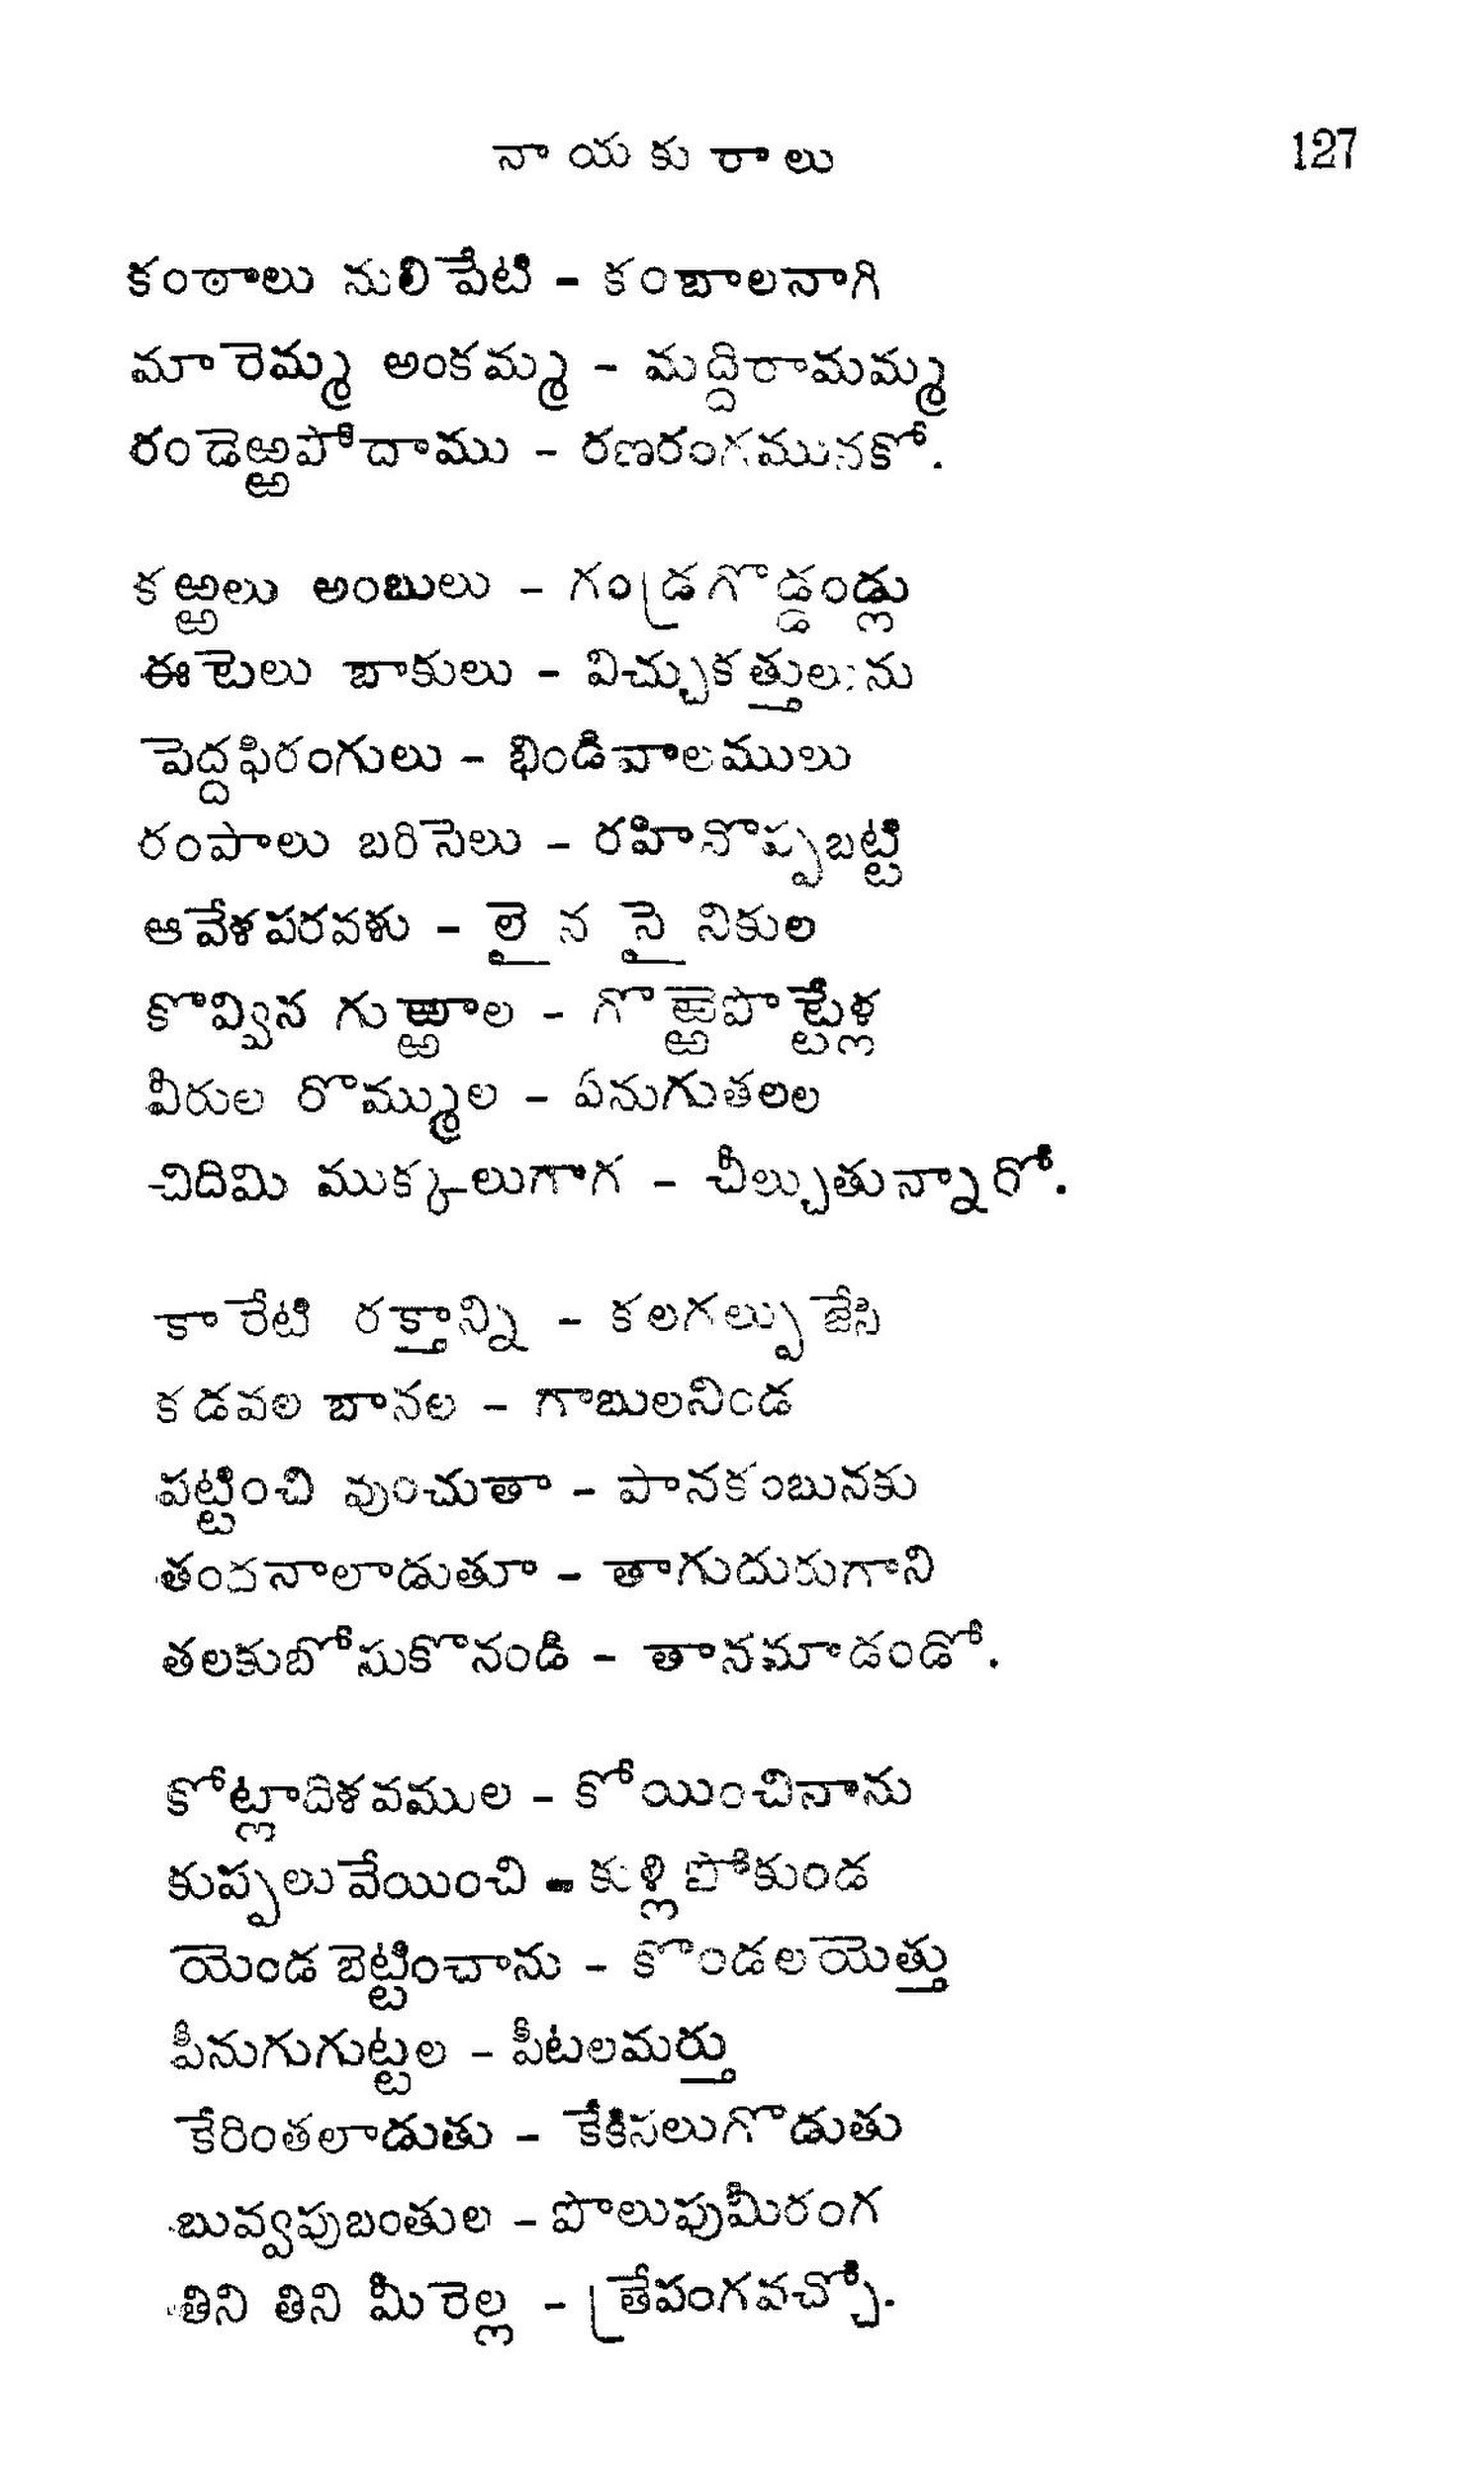కంఠాలు నులి పేటి - కంబాలనాగి
మారెమ్మ అంకమ్మ - మద్దిరామమ్మ
రండెఱ్ఱపోదాము - రణరంగమునకో.

కఱ్ఱలు అంబులు - గండ్రగొడ్డండ్లు
ఈటెలు బాకులు - విచ్చుకత్తులును
పెద్దఫిరంగులు - భిండివాలములు
రంపాలు బరిసెలు - రహినొప్పబట్టి
ఆవేశపరవశు - లైన సైనికుల
కొవ్విన గుఱ్ఱాల - గొఱ్ఱెపొట్టేళ్ల
వీరుల రొమ్ముల - ఏనుగుతలల
చిదిమి ముక్కలుగాగ - చీల్చుతున్నారో.

కారేటి రక్తాన్ని - కలగల్పు జేసి
కడవల బానల - గాబులనిండ
పట్టించి వుంచుతా - పానకంబునకు
తందనాలాడుతూ - తాగుదురుగాని
తలకుబోసుకొనండి - తానమాడండో.

కోట్లాదిశవముల - కోయించినాను
కుప్పలువేయించి - కుళ్లిపోకుండ
యెండ బెట్టించాను - కొండలయెత్తు
పీనుగుగుట్టల - పీటలమర్తు
కేరింతలాడుతు - కేకిసలుగొడుతు
బువ్వపుబంతుల - పొలుపుమీరంగ
తిని తిని మీరెల్ల - త్రేపంగవచ్చో.